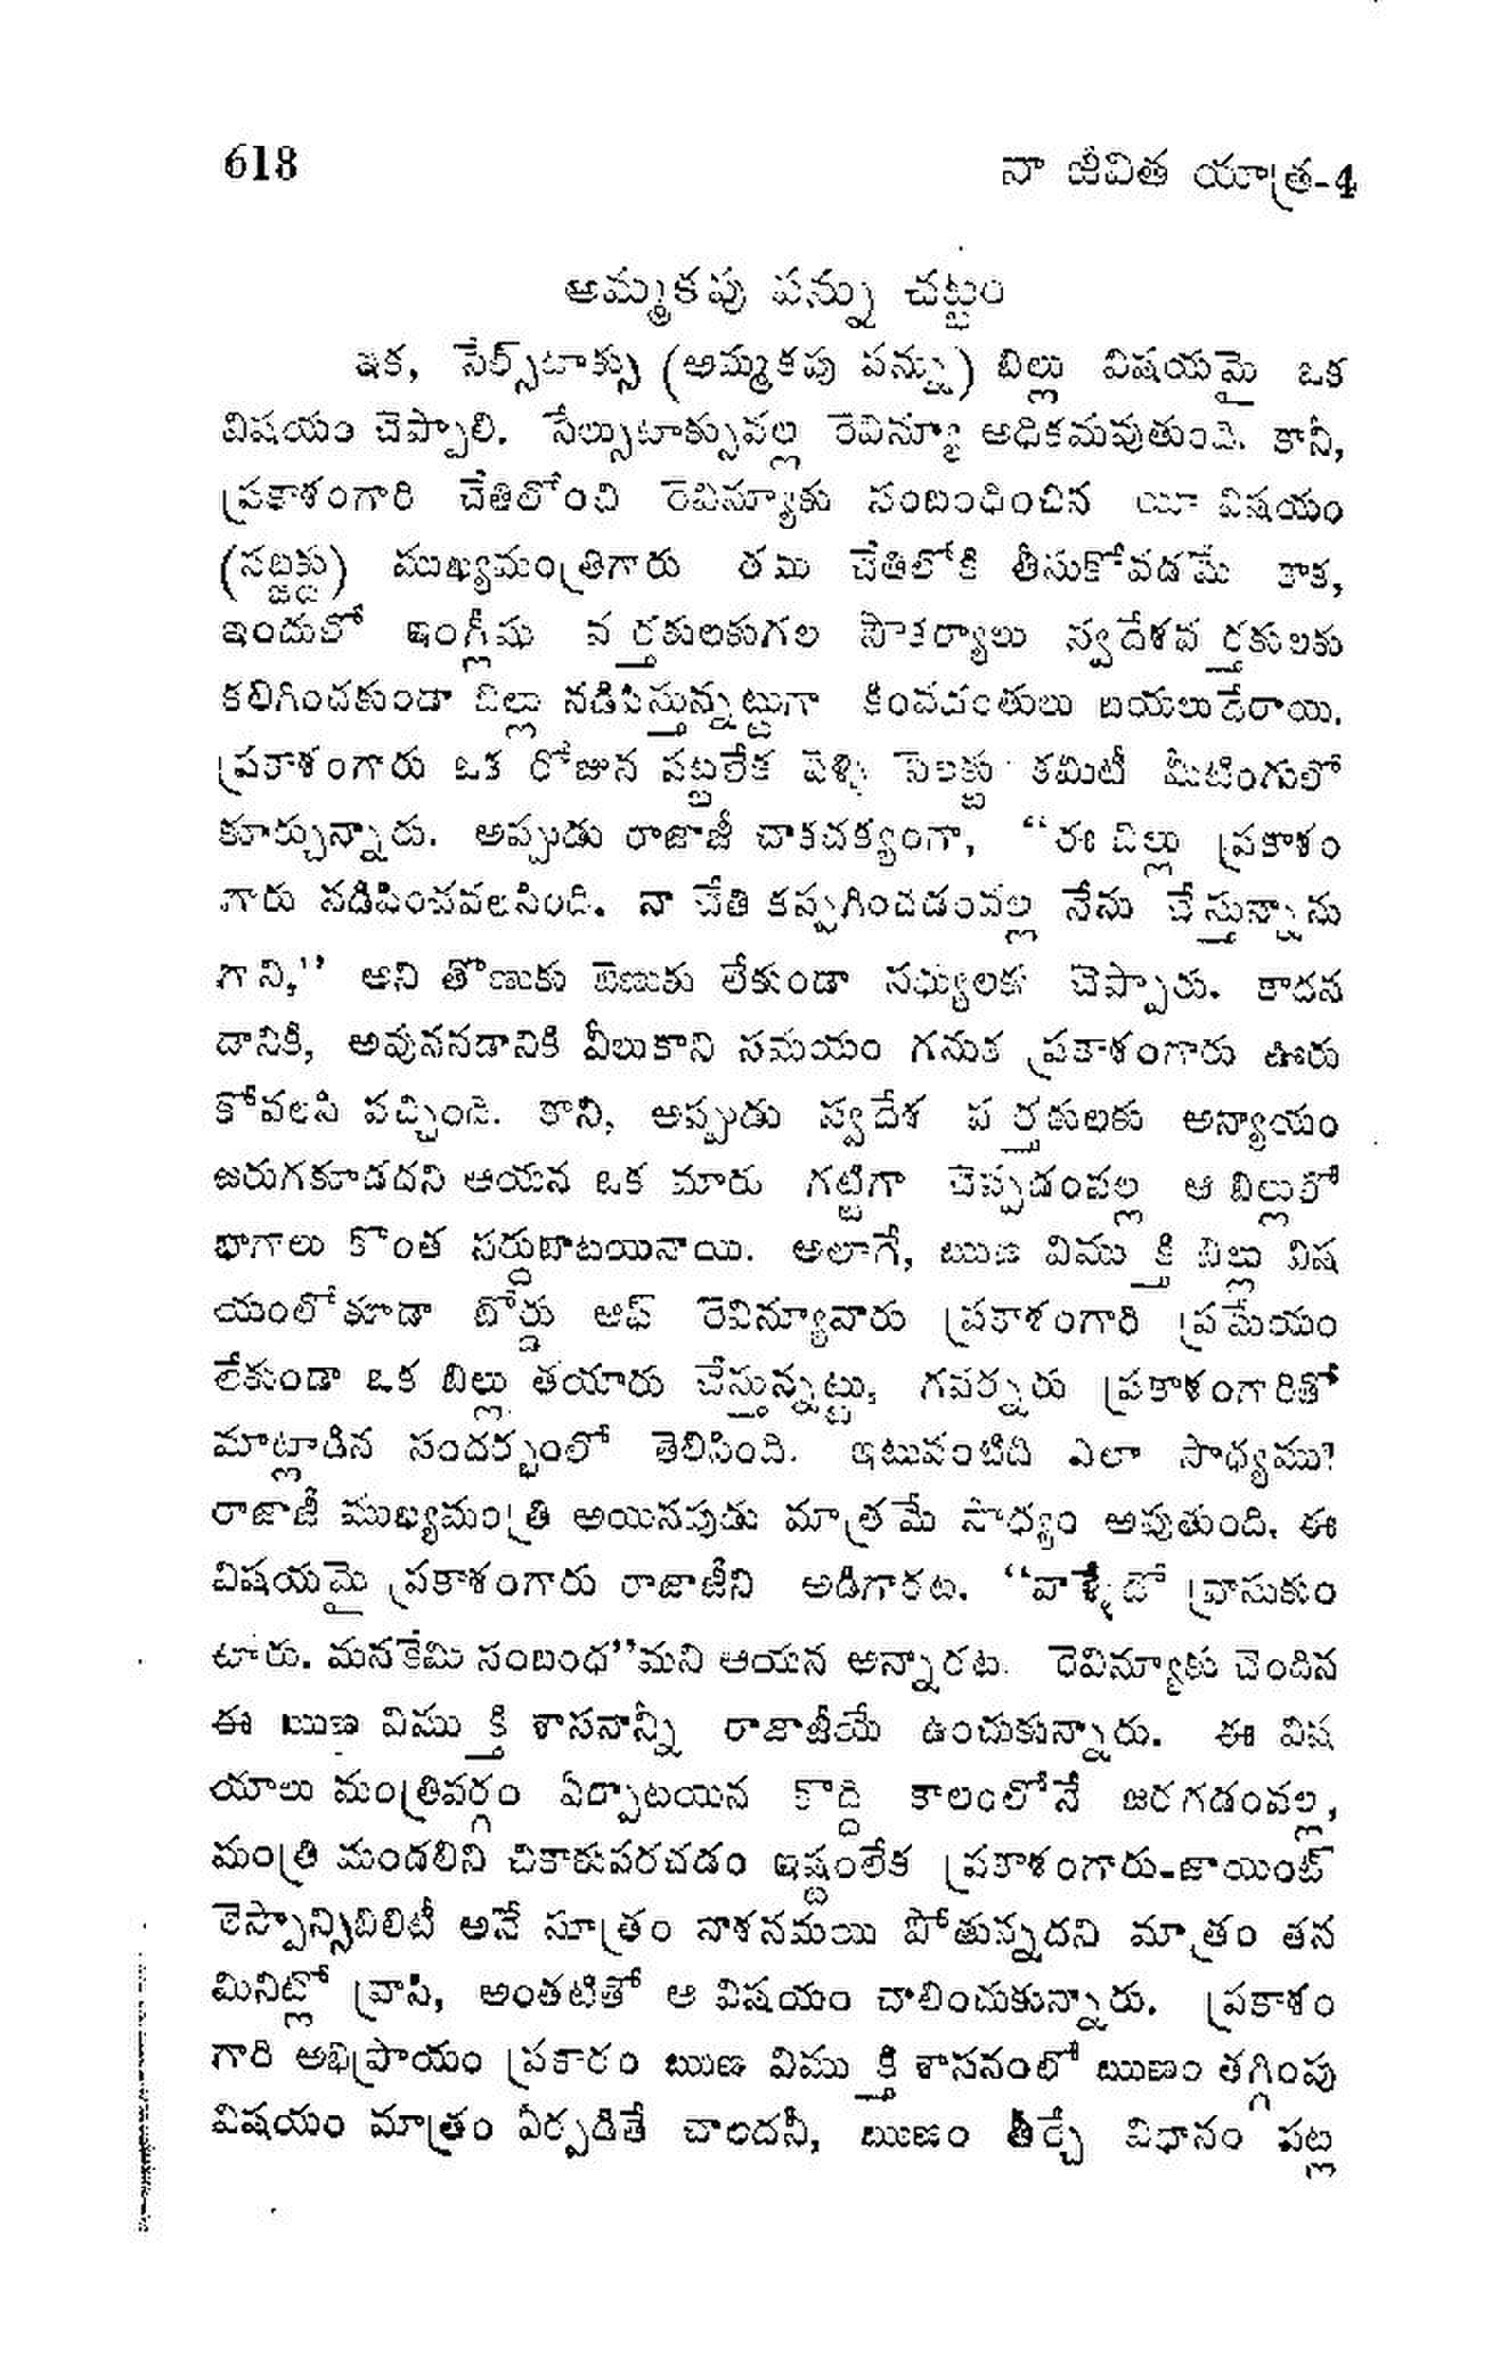ఇక, సేల్స్‌టాక్సు (అమ్మకపు పన్ను) బిల్లు విషయమై ఒక విషయం చెప్పాలి. సేల్సుటాక్సు వల్ల రెవిన్యూ అధికమవుతుంది. కానీ, ప్రకాశంగారి చేతిలోంచి రెవిన్యూకు సంబంధించిన యీ విషయం (సబ్జక్టు) ముఖ్యమంత్రిగారు తమ చేతిలోకి తీసుకోవడమే కాక, ఇందులో ఇంగ్లీషు వర్తకులకుగల సౌకర్యాలు స్వదేశవర్తకులకు కలిగించకుండా బిల్లు నడిపిస్తున్నట్టుగా కింవదంతులు బయలుదేరాయి. ప్రకాశంగారు ఒక రోజున పట్టలేక వెళ్ళి సెలక్టు మీటింగులో కూర్చున్నారు. అప్పుడు రాజాజీ చాకచక్యంగా, "ఈ బిల్లు ప్రకాశం గారు నడిపించ వలసింది. నా చేతి కప్పగించడం వల్ల నేను చేస్తున్నాను గాని," అని తొణుకు బెణుకు లేకుండా సభ్యులకు చెప్పారు. కాదనడానికి, అవుననడానికి వీలుకాని సమయం గనుక ప్రకాశంగారు ఊరుకోవలసి వచ్చింది. కాని, అప్పుడు స్వదేశ వర్తకులకు అన్యాయం జరుగ కూడదని ఆయన ఒక మారు గట్టిగా చెప్పడంవల్ల ఆ బిల్లులో భాగాలు కొంత సర్దుబాట యినాయి. అలాగే, ఋణ విమిక్తి బిల్లు విషయంలో కూడా బోర్డు ఆఫ్ రెవిన్యూవారు ప్రకాశంగారి ప్రమేయం లేకుండా ఒక బిల్లు తయారు చేస్తున్నట్టు, గవర్నరు ప్రకాశంగారితో మాట్లాడిన సందర్భంలో తెలిసింది. ఇటువంటిది ఎలా సాధ్యము? రాజాజీ ముఖ్యమంత్రి అయినపుడు మాత్రమే సాధ్యం అవుతుంది. ఈ విషయమై ప్రకాశంగారు రాజాజీని అడిగారట. "వాళ్ళేదో వ్రాసుకుంటారు. మనకేమి సంబంధ"మని ఆయన అన్నారట. రెవిన్యూకు చెందిన ఈ ఋణ విముక్తి శాసనాన్నీ రాజాజీయే ఉంచుకున్నారు. ఈ విషయాలు మంత్రివర్గం ఏర్పాటయిన కొద్ది కాలంలోనే జరగడంవల్ల, మంత్రి మండలిని చికాకుపరచడం ఇష్టంలేక ప్రకాశంగారు - జాయింట్ రెస్పాన్సిబిలిటీ అనే సూత్రం నాశనమయి పోతున్నదని మాత్రం తన మినిట్లో వ్రాసి, అంతటితో ఆ విషయం చాలించుకున్నారు. ప్రకాశంగారి అభిప్రాయం ప్రకారం ఋణ విముక్తి శాసనంలో ఋణం తగ్గింపు విషయం మాత్రం ఏర్పడితే చాలదనీ, ఋణం తీర్చే విధానం పట్ల